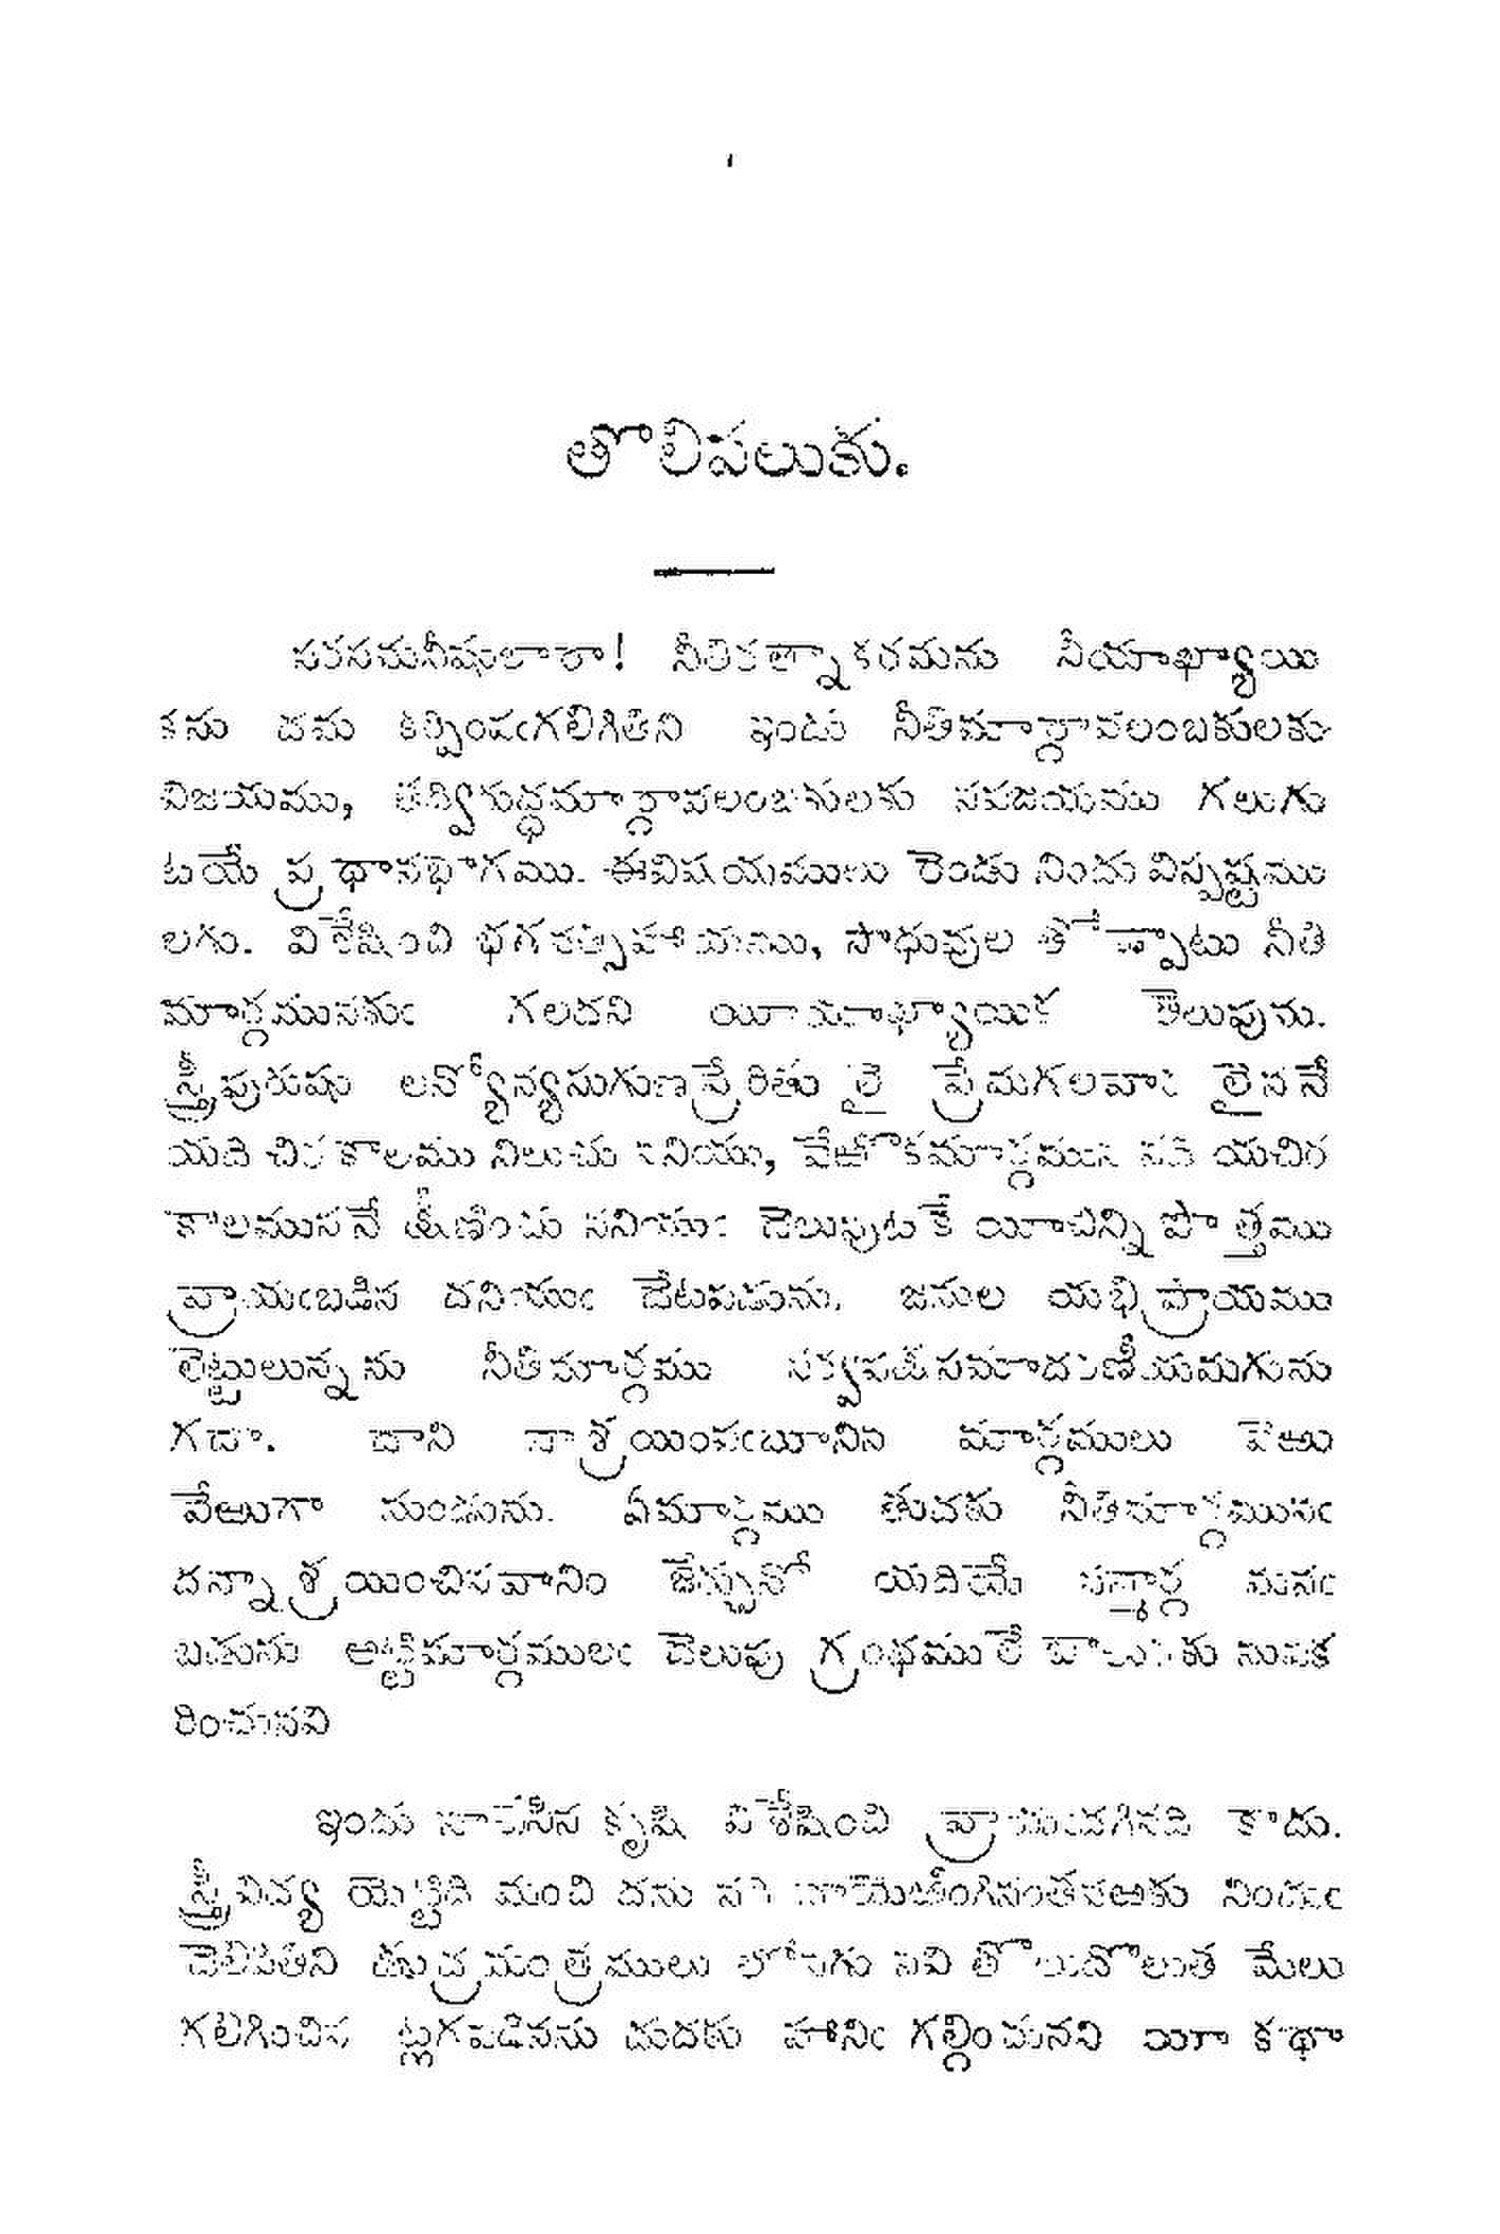తొలిపలుకు

సరసమనీషులారా! నీతిరత్నాకరమను నీయాఖ్యాయికను దమ కర్పింపగలిగితని ఇందు నీతిమార్గావలంబకులకు విజయము, తద్విరుద్దమార్గావలంబములను నపజయము గలుగుటయే ప్రధాన భాగము. ఈ విషయములు రెండు నిందు విస్పష్టములగు. విశేషించి భగవత్సహాయము, సాధువుల తోడ్పాటు నీతి మార్గమునకు గలదని యీయాఖ్యాయిక తెలుపును. స్త్రీ పురుషు లన్యోన్యనుగుణప్రేరితులై ప్రేమగలవార లైననే యది చిరకాలము నిలుచుననియు, వేఱొకమార్గమున నది యచిరకాలముననే క్షీణించు ననియు తెలుపుటకే యీచిన్ని పొత్తము వ్రాయబడిన దనియుఁ దేటపడును. జనుల యభిప్రాయము లెట్టులున్నను నీతిమార్గము సర్వపక్షసమాదరణీయమగును గదా. దాని నాశ్రయించఁబూనిన మార్గములు వేఱు వేఱుగా నుండును. ఏమార్గము తుదకు నీతిమార్గమునఁ దన్నాశ్రయించినవానిం జేర్చునో యదియే సన్మార్గ మనబడును అట్టిమార్గములఁ దెలుపు గ్రంథములే బాలురకు నుపకరినరించునవి.

ఇందు నా చేసిన కృషి విశేషించి వ్రాయదగినది కాదు. స్త్రీవిద్య యెట్టిది మంచి దనునది నాయెఱింగినంతవరకు నిందు దెలిపితిని. క్షుద్రమంత్రములు లోనగునవి తొలుదొలుత మేలు గలిగించిన ట్లగవపడినను దుదకు హానిఁ గల్గించునని యీ కథా